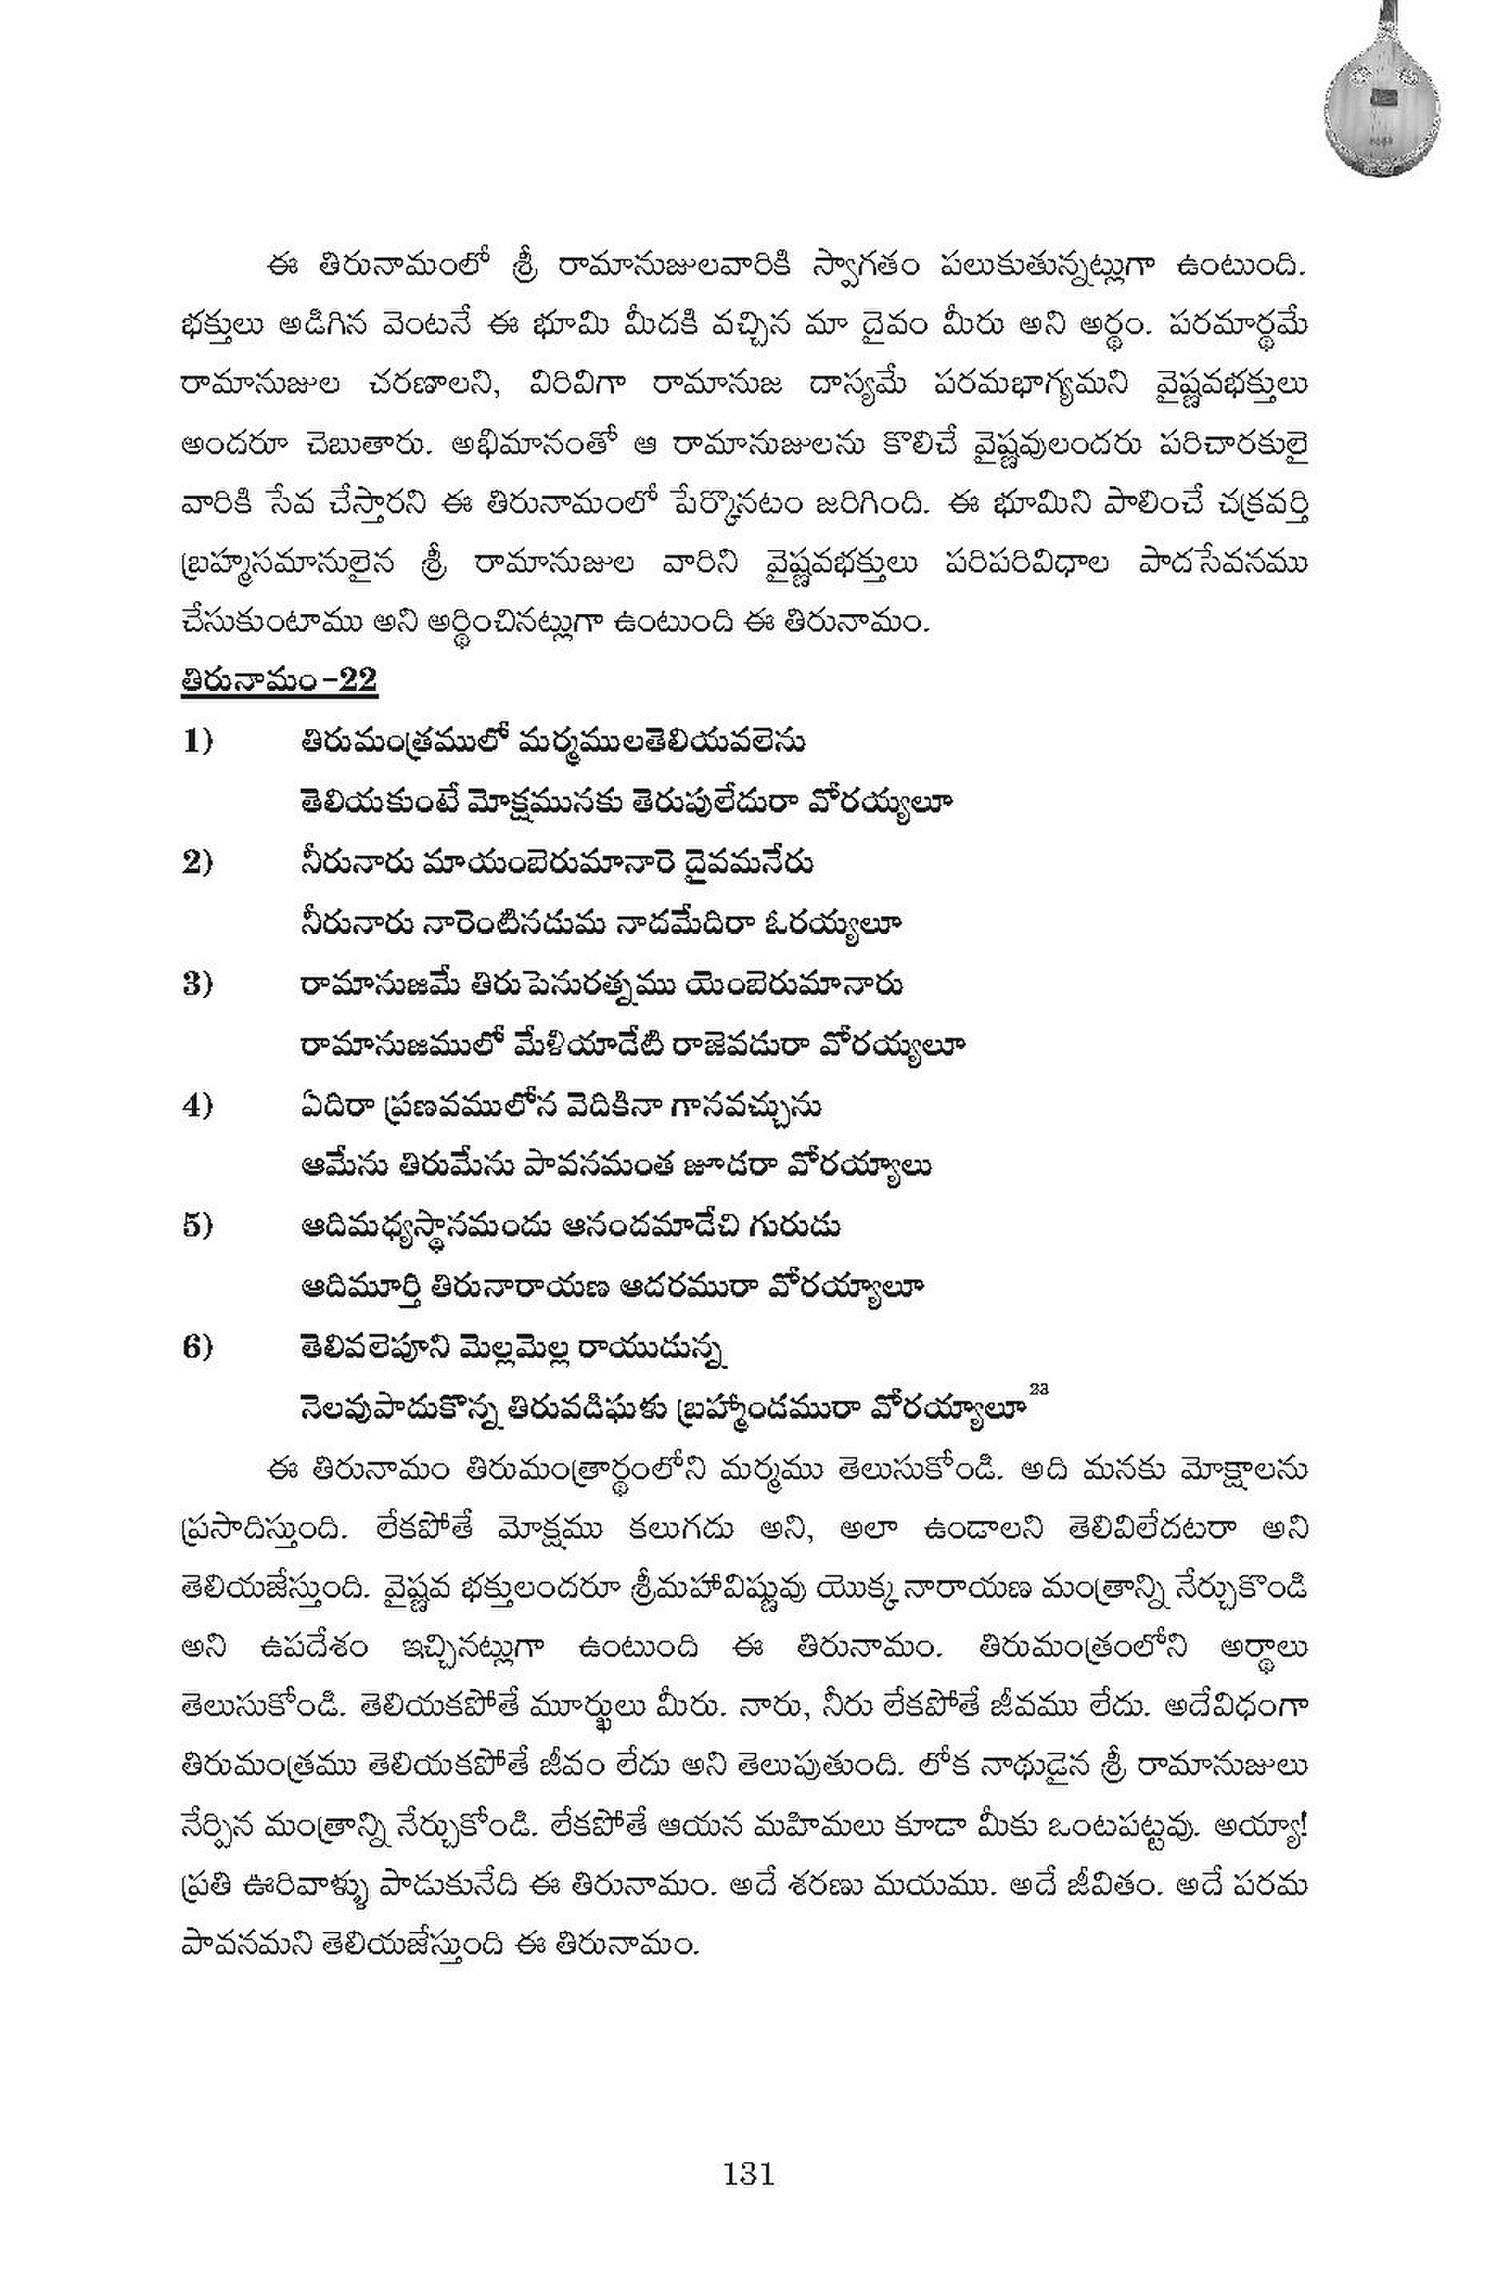ఈ తిరునామంలో శ్రీ రామానుజులవారికి స్వాగతం పలుకుతున్నట్లుగా ఉంటుంది. భక్తులు అడిగిన వెంటనే ఈ భూమి మీదకి వచ్చిన మా దైవం మీరు అని అర్థం. పరమార్థమే రామానుజుల చరణాలని, విరివిగా రామానుజ దాస్యమే పరమభాగ్యమని వైష్ణవభక్తులు అందరూ చెబుతారు. అభిమానంతో ఆ రామానుజులను కొలిచే వైష్ణవులందరు పరిచారకులై
వారికి సేవ చేస్తారని ఈ తిరునామంలో పేర్కొనటం జరిగింది. ఈ భూమిని పాలించే చక్రవర్తి బ్రహ్మసమానులైన శ్రీ రామానుజుల వారిని వైష్ణవభక్తులు పరిపరివిధాల పాదసేవనము చేసుకుంటాము అని అర్థించినట్లుగా ఉంటుంది ఈ తిరునామం.

తిరునామం-22

1) తిరుమంత్రములో మర్మములతెలియవలెను
తెలియకుంటే మోక్షమునకు తెరుపులేదురా వోరయ్యలూ

2) నీరునారు మాయంబెరుమానారె దైవమనేరు
నీరునారు నారెంటినడుమ నాదమేదిరా ఓరయ్యలూ

3) రామానుజమే తిరుపెనురత్నము యెంబెరుమానారు
రామానుజములో మేళియాడేటి రాజెవడురా వోరయ్యలూ

4) ఏదిరా ప్రణవములోన వెదికినా గానవచ్చును
ఆమేను తిరుమేను పావనమంత జూడరా వోరయ్యాలు

5) ఆదిమధ్యస్థానమందు ఆనందమాడేచి గురుడు
ఆదిమూర్తి తిరునారాయణ ఆదరమురా వోరయ్యాలూ

6) తెలివలెపూని మెల్లమెల్ల రాయుడున్న
నెలవుపాదుకొన్న తిరువడిఘకు బ్రహ్మాండమురా వోరయ్యాలూ23

ఈ తిరునామం తిరుమంత్రార్థంలోని మర్మము తెలుసుకోండి. అది మనకు మోక్షాలను ప్రసాదిస్తుంది. లేకపోతే మోక్షము కలుగదు అని, అలా ఉండాలని తెలివిలేదటరా అని తెలియజేస్తుంది. వైష్ణవ భక్తులందరూ శ్రీమహావిష్ణువు యొక్క నారాయణ మంత్రాన్ని నేర్చుకొండి అని ఉపదేశం ఇచ్చినట్లుగా ఉంటుంది ఈ తిరునామం. తిరుమంత్రంలోని అర్థాలు
తెలుసుకోండి. తెలియకపోతే మూర్ఖులు మీరు. నారు, నీరు లేకపోతే జీవము లేదు. అదేవిధంగా తిరుమంత్రము తెలియకపోతే జీవం లేదు అని తెలుపుతుంది. లోక నాథుడైన శ్రీ రామానుజులు నేర్పిన మంత్రాన్ని నేర్చుకోండి. లేకపోతే ఆయన మహిమలు కూడా మీకు ఒంటపట్టవు. అయ్యా! ప్రతి ఊరివాళ్ళు పాడుకునేది ఈ తిరునామం. అదే శరణు మయము. అదే జీవితం. అదే పరమ పావనమని తెలియజేస్తుంది ఈ తిరునామం.